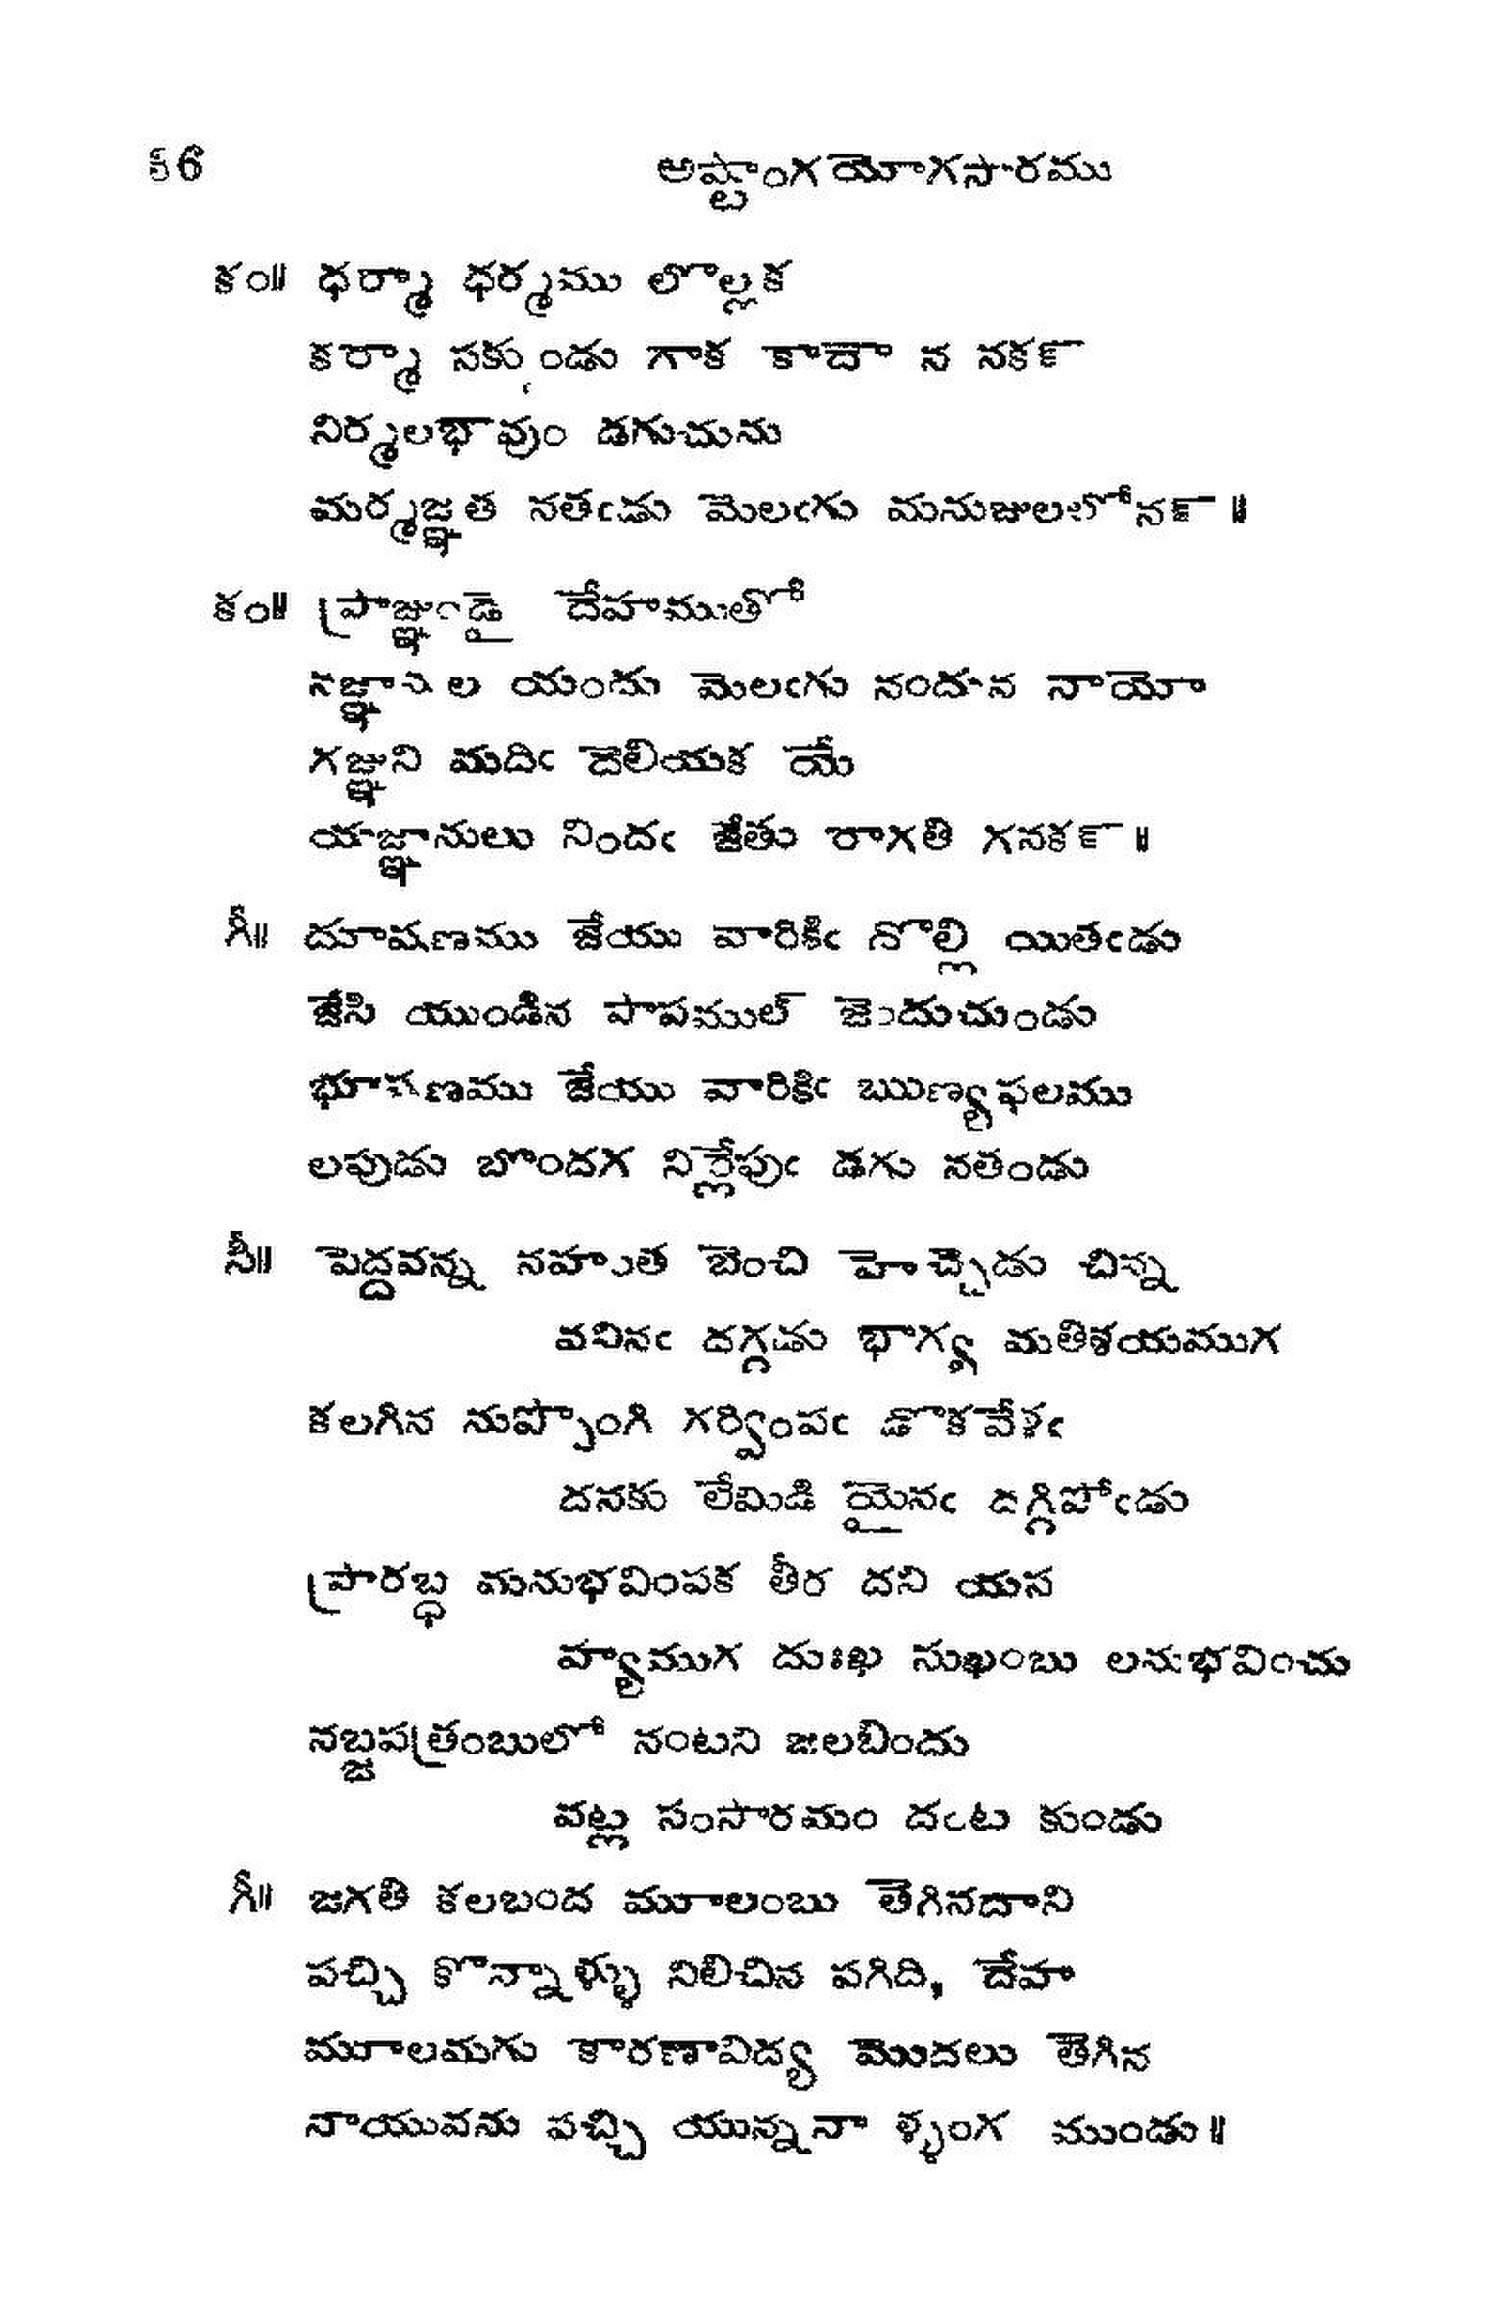క. ధర్మాధర్మము లొల్లక
 కర్మాసక్తుండు గాక కాదౌ ననర్క
 నిర్మలభావుం డగుచును
 మర్మజ్ఞత నతఁడు మెలఁగు మనుజులలోనన్.
క. ప్రాజ్ఞుండై దేహముతో
 నజ్ఞానులయందు మెలఁగు నందున నాయో
 గజ్ఞుని మదిఁ దెలియక యే
 యజ్ఞానులు నిందఁ జేతు రాతి గనకన్.
గీ. దూషణము జేయు వారికిఁ దొల్లి యితఁడు
 జేసియుండిన పాపముల్ జెందుచుండు
 భూషణము జేయువారికిఁ బుణ్యఫలము
 లపుడు బొందగ నిర్లేపుఁ డగు నతండు.
సీ. పెద్దవన్న నహుత బెంచి హెచ్చెడు చిన్న
 వనినఁ దగ్గడు భాగ్య మతిశయముగ
 కలగిన నుప్పొంగి గర్వింపఁ డొకవేళఁ
 దనకు లేమిడి యైనఁ దగ్గిపోఁడు
 ప్రారబ్ధ మనుభవింపక తీర దని యస
 హ్యముగ దుఃఖసుఖంబు లనుభవించు
 నబ్జపత్రంబులో నంటని జలబిందు
 వట్ల సంసారమం దంట కుండు
గీ. జగతి కలబంద మూలంబు తెగినదాని
 పచ్చి కొన్నాళ్ళు నిలిచిన పగిది, దేహ
 మూలమగు కారణావిద్య మొదలు తెగిన
 నాయువను పచ్చి యున్ననా ళ్ళంగ ముండు.